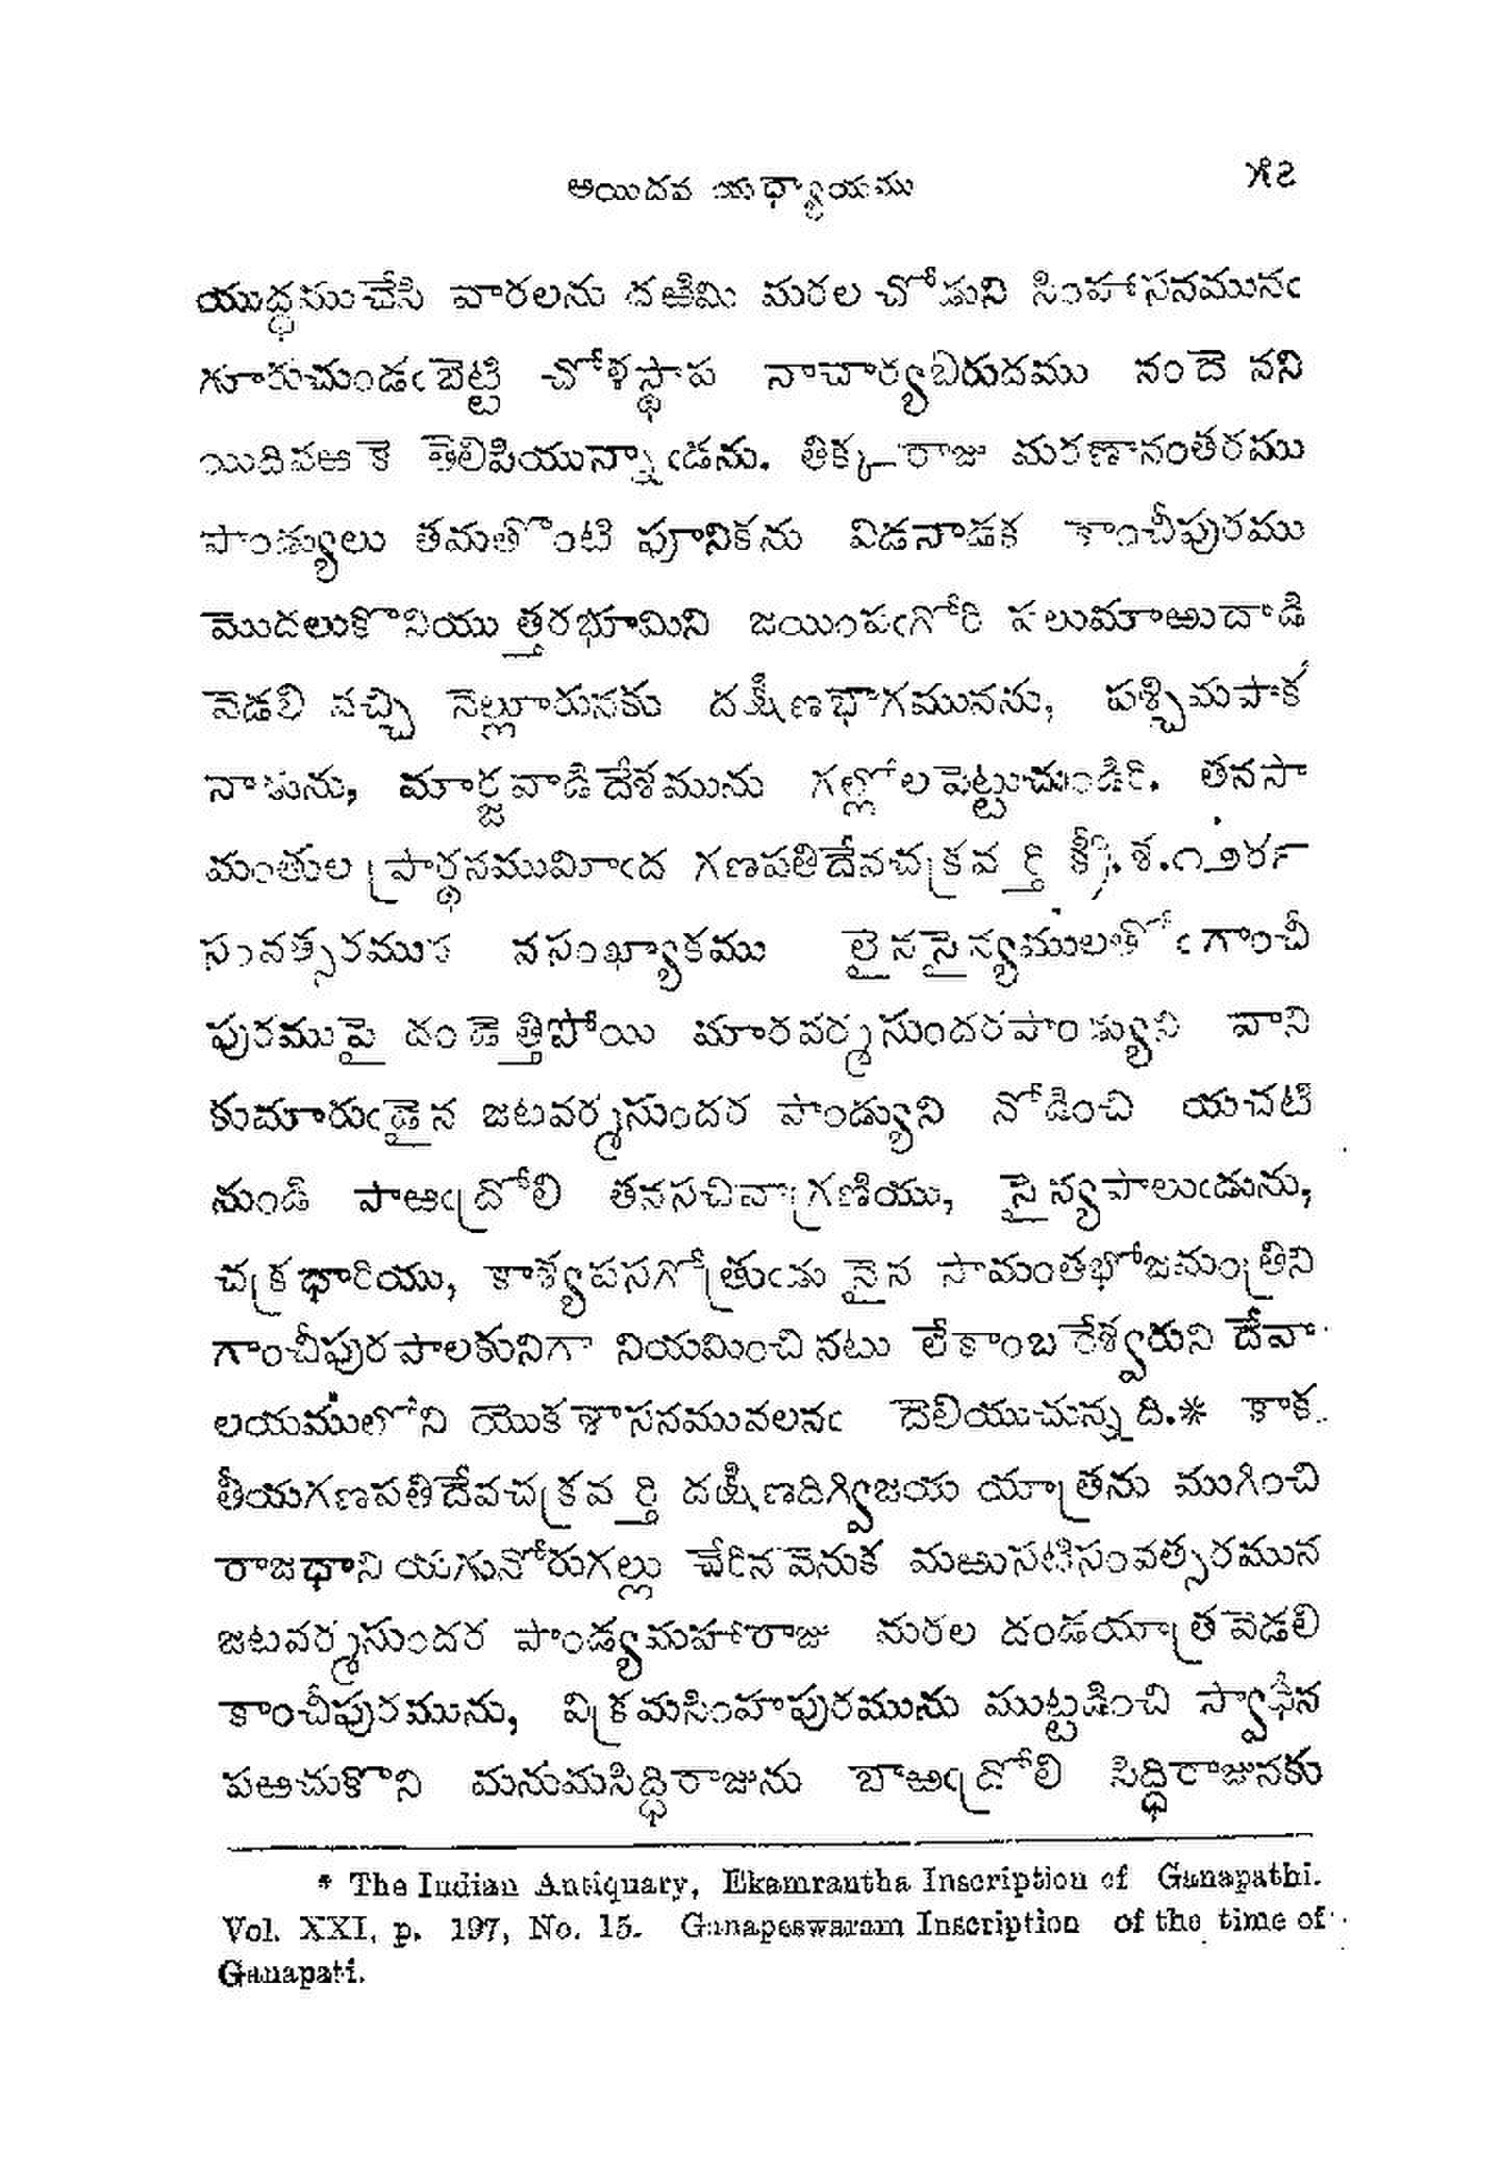యుద్ధముచేసి వారలను దఱిమి. మరల చోడుని సింహాసనమునఁ గూరుచుండఁబెట్టి చోళస్థాప నాచార్యబిరుదము నందె నని యిదివఱకె తెలిపియున్నాఁడను. తిక్కరాజు మరణానంతరము పాండ్యులు తమతొంటి పూనికను విడనాడక కాంచీపురము మొదలుకొనియుత్తరభూమిని జయింపఁగోరి పలుమాఱుదాడి వెడలి వచ్చి నెల్లూరునకు దక్షిణభాగమునను, పశ్చిమపాక నాడును, మార్జవాడిదేశమును గల్లోలపెట్టుచుండిరి. తనసామంతుల ప్రార్థనముమీఁద గణపతిదేవచక్రవర్తి కీ. శ. 1249 సంవత్సరమున నసంఖ్యాకము లైనసైన్యములతో గాంచీపురముపై దండెత్తిపోయి మారవర్మసుందరపాండ్యుని వాని కుమారుఁడైన జటవర్మసుందర పాండ్యుని నోడించి యచటినుండి పాఱఁద్రోలి తనసచివాగ్రణియు, సైన్యపాలుఁడును, చక్రధారియు, కాశ్యపసగోత్రుఁడు నైన సామంతభోజమంత్రిని గాంచీపురపాలకునిగా నియమించి నటు లేకాంబరేశ్వరుని దేవాలయములోని యొకశాసనమునలనఁ దెలియుచున్నది. కాకతీయగణపతిదేవచక్రవర్తి దక్షిణదిగ్విజయ యాత్రను ముగించి రాజధాని యగునోరుగల్లు చేరినవెనుక మఱుసటి సంవత్సరమున జటవర్మసుందర పాండ్యమహారాజు మరల దండయాత్ర వెడలి కాంచీపురమును, విక్రమసింహపురమును ముట్టడించి స్వాధీన పఱచుకొని మనుమసిద్దిరాజును బాఱఁద్రోలి సిద్దిరాజునకు